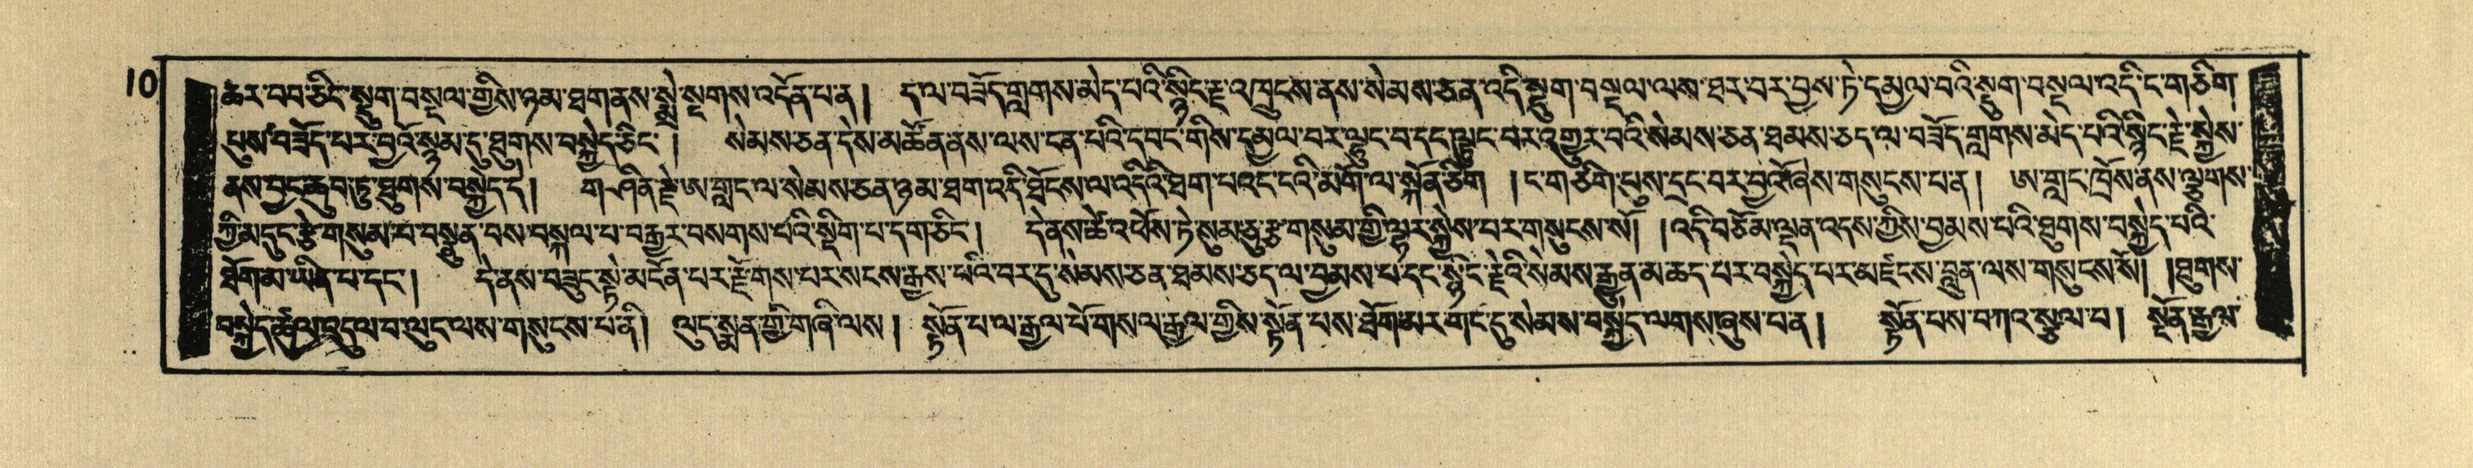ཆར་བབ་ཅིང་སྡུག་བསྔལ་གྱིས་ཉམ་ཐག་ནས་སྨྲེ་སྔགས་འདོན་པ་ན། དལ་བཟོད་གླགས་མེད་པའི་སྙིང་རྗེ་འཁྲུངས་ནས་སེམས་ཅན་འདི་སྡུག་བསྔལ་ལས་ཐར་བར་བྱས་ཏེ་དམྱལ་བའི་སྡུག་བསྔལ་འདི་ང་གཅིག་
པུས་བཟོད་པར་བྱའོ་སྙམ་དུ་ཐུགས་བསྐྱེད་ཅིང་། སེམས་ཅན་དེས་མཚོན་ནས་ལས་ངན་པའི་དབང་གིས་དམྱལ་བར་ལྷུང་བ་དང་ལྟུང་བར་འགྱུར་བའི་སེམས་ཅན་ཐམས་ཅད་ལ་བཟོད་གླགས་མེད་པའི་སྙིང་རྗེ་སྐྱེས་
ནས་བྱང་ཆུབ་ཏུ་ཐུགས་བསྐྱེད་དེ། གཤིན་རྗེ་ཨ་གླང་ལ་སེམས་ཅན་ཉམ་ཐག་འདི་ཐོངས་ལ་འདིའི་ཐག་པའང་ངའི་མགོ་ལ་སྐོན་ཅིག །ང་གཅིག་པུས་དྲང་བར་བྱའོ་ཞེས་གསུངས་པ་ན། ཨ་གླང་ཁྲོས་ནས་ལྕགས་
ཀྱི་མདུང་རྩེ་གསུམ་པ་བསྣུན་བས་བསྐལ་པ་བརྒྱར་བསགས་པའི་སྡིག་པ་དག་ཅིང་། དེ་ནས་ཚེ་འཕོས་ཏེ་སུམ་ཅུ་རྩ་གསུམ་གྱི་ལྷར་སྐྱེས་བར་གསུངས་སོ། །འདི་བཅོམ་ལྡན་འདས་ཀྱིས་བྱམས་པའི་ཐུགས་བསྐྱེད་པའི་
ཐོག་མ་ཡིན་པ་དང་། དེ་ནས་བཟུང་སྟེ་མངོན་པར་རྫོགས་པར་སངས་རྒྱས་པའི་བར་དུ་སེམས་ཅན་ཐམས་ཅད་ལ་བྱམས་པ་དང་སྙིང་རྗེའི་སེམས་རྒྱུན་མ་ཆད་པར་བསྐྱེད་པར་མཛངས་བླུན་ལས་གསུངས་སོ། །ཐུགས་
བསྐྱེད་ཚུལ་འདུལ་བ་ལུང་ལས་གསུངས་པ་ནི། ལུང་སྨན་གྱི་གཞི་ལས། སྟོན་པ་ལ་རྒྱལ་པོ་གསལ་རྒྱལ་གྱིས་སྟོན་པས་ཐོག་མར་གང་དུ་སེམས་བསྐྱེད་ལགས་ཞུས་པ་ན། སྟོན་པས་བཀའ་སྩལ་བ། སྔོན་རྒྱལ་